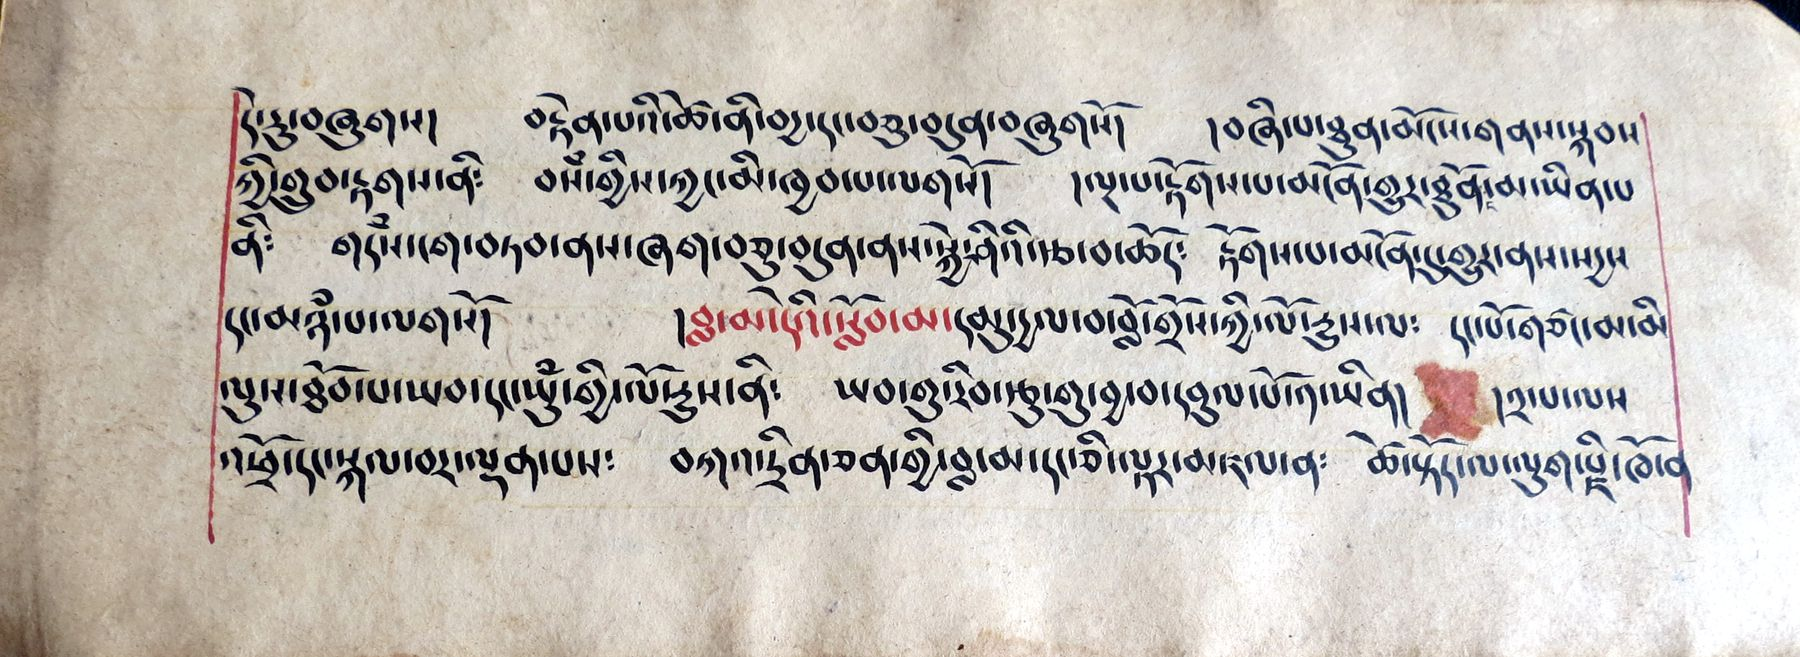དེ་རུ་བཞུགས། བརྟེན་པའི་ཚེ་ནི་བརྒྱ་དང་བཅུ་བདུན་བཞུགས་སོ། །བཞི་པ་ཐུན་མོང་གནས་སྐབས་
ཀྱི་གྲུབ་རྟགས་ནི་བསམ་གྱིས་མི་ཁྱབ་པ་ལགས་སོ། །ལྔ་པ་རྟོགས་པ་མངོན་གྱུར་ཐུན་མོང་མ་ཡིན་པ་
ནི། གདམས་ངག་བཏབ་ནས་ཞག་བཅུ་བདུན་ནས་སྐྱེ་ཤིའི་རྩ་བ་ཆོད། རྟོགས་པ་མངོན་དུ་གྱུར་ནས་སངས་རྒྱས་
དང་མཉམ་པ་ལགས་སོ། །བླ་མ་དེའི་སློབ་མ་དམུ་རྒྱལ་བ་བློ་གྲོས་ཀྱི་ལོ་རྒྱུས་ལ། དང་པོ་གཙང་མ་མི་
ལུས་ཐོབ་པ་ཡབ་དང་ཡུམ་གྱི་ལོ་རྒྱུས་ནི། ཡབ་གུ་རུབ་ཙུ་གུ་བྱ་བ་དབུལ་པོ་ཞིག་ཡིན། གཉིས་པ་ལས་
འཕྲོ་དང་སྐལ་པར་ལྡན་པས། བཀའ་དྲིན་ཅན་གྱི་བླ་མ་དང་ཅི་ལྟར་མཇལ་ན། ཚེ་སྟོད་ལ་ལུག་རྫི་ཁོ་ན་